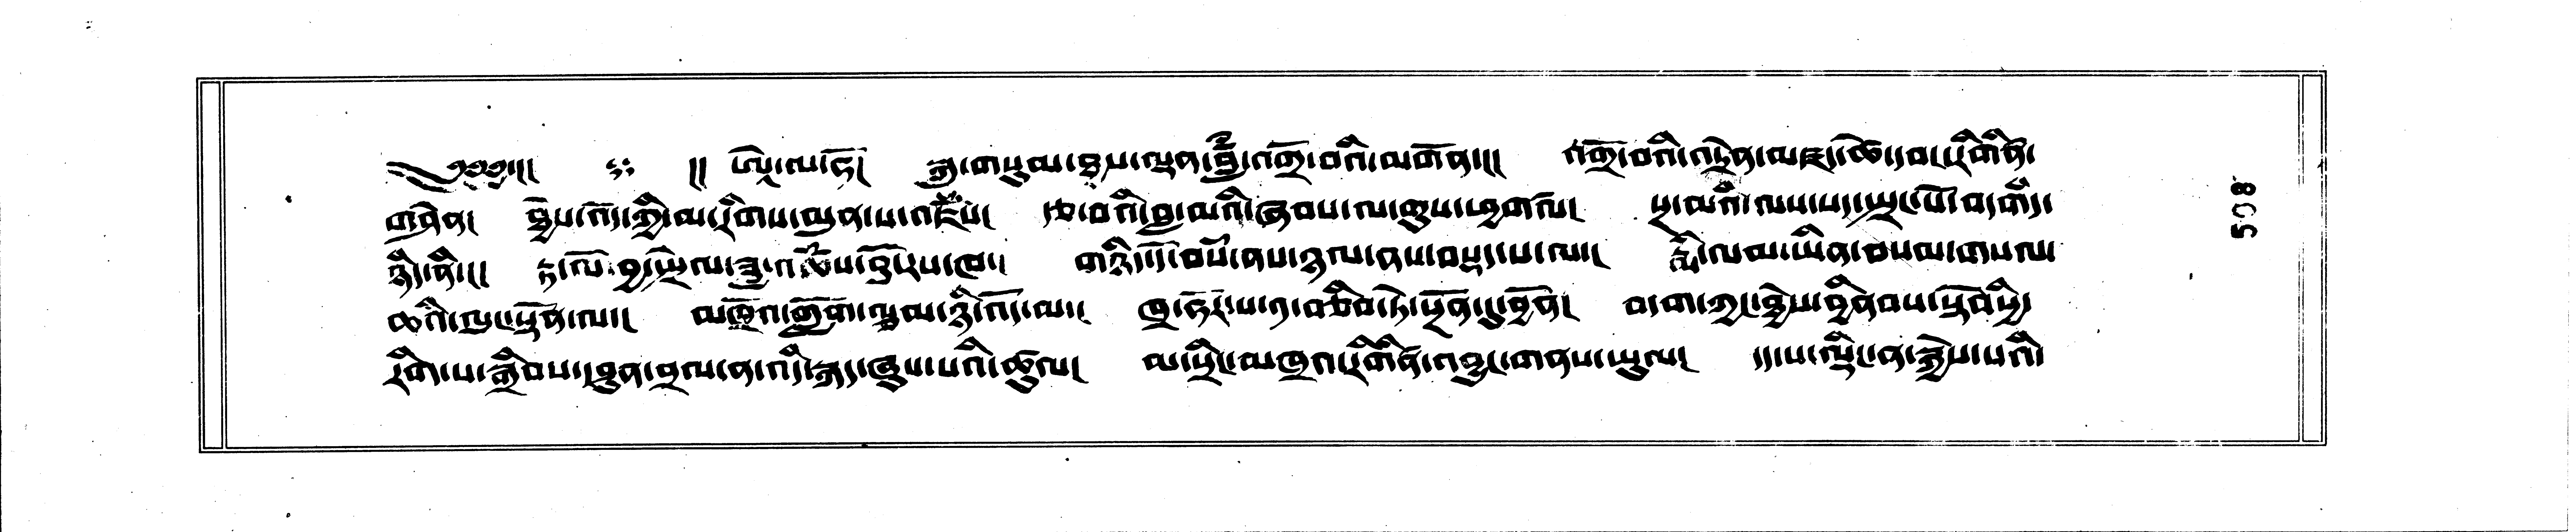ཨེ་མ་ཧོ། སྐུ་གསུམ་ཐུགས་ལྡན་བླ་མ་རིན་པོ་ཆེ། མ་རིག་མུན་སེལ་འགྲོ་བའི་མགོན། འགྲོ་བ་འདྲེན་མཛད་ཚེ་དབང་རིག་འཛིན་
གཤེན། ཐུགས་རྗེའི་འོད་ཀྱིས་མ་རིག་མུན་པ་འཇོམས། རྩ་བའི་བླ་མའི་ཞབས་ལ་གུས་ཕྱག་འཚལ། སྔ་མའི་ལས་སད་སྤྲང་པོ་བདག་
ཉིད་ནི། སྟག་ལོ་བྱ་སྤྲེལ་ཟླ་ཚེས་ཐོ་རང་༼རེངས༽ཁ། གཉིད་ལོག་བསམ་སྟེ་ཉལ་ནས་བསྡད་པ་ལ། རྨི་ལམ་ཡིན་བསམ་གསལ་
ཆའི་ལུང་སྟོན་ལ། མཁའ་འགྲོ་གློག་ལྕམ་ཉི་འོད་མས། ཁྲ་ཧོར་པ་ཅིག་ཆིབ་སྟེ་སྔས་སུ་བྱོན། བདག་ཀྱང་ཐུགས་རྗེའི་བྱིན་རླབས་སྟོབས་ཀྱི། 
རིག་པ་སྒྲོས་‘‘སྒྲིབ”ཤུན་བྲལ་སྟེ་འདི་སྐད་ཞུས་པའི་ཚུལ། མ་སྲིང་མཁའ་འགྲོ་རིག་འཛིན་འབྱུང་གནས་ཡུམ། དད་པ་གཏིང་ནས་སྐྱེས་པའི་